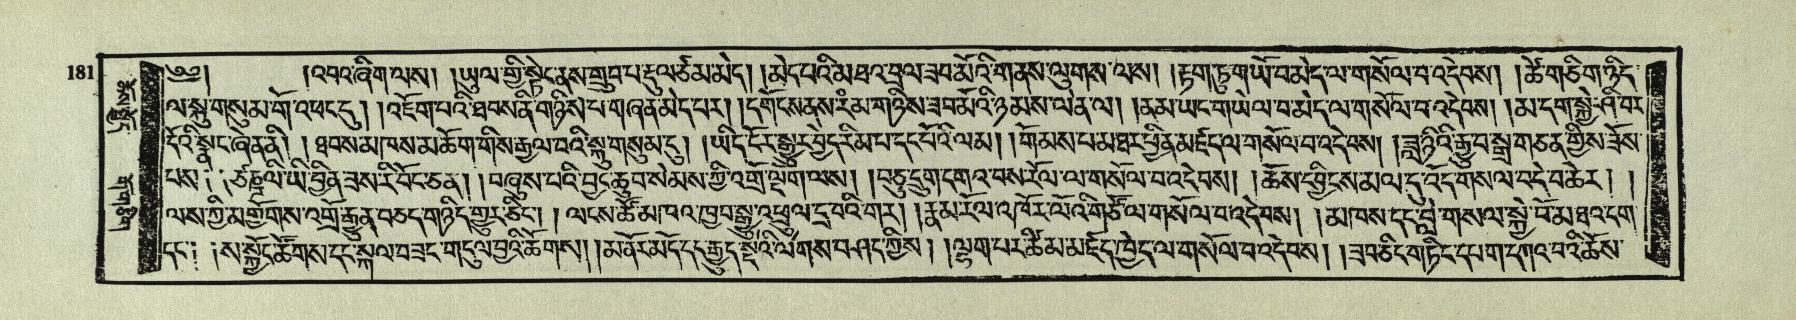༄༅། །འབའ་ཞིག་ལས། །ཡུལ་གྱི་སྟེང་ནས་གྲུབ་པ་རྡུལ་ཙམ་མེད། །མེད་པའི་མཐའ་བྲལ་ཟབ་མོའི་གནས་ལུགས་ལས། །རྟག་ཏུ་གཡོ་བ་མེད་ལ་གསོལ་བ་འདེབས། །ཚེ་གཅིག་ཉིད་
ལ་སྐུ་གསུམ་གོ་འཕང་དུ། །འཇོག་པའི་ཐབས་ནི་གཉིས་པ་གཞན་མེད་པར། །དགོངས་ནས་རཾམ་གཉིས་ཟབ་མོའི་ཉམས་ལེན་ལ། །ནམ་ཡང་གཡེལ་བ་མེད་ལ་གསོལ་བ་འདེབས། །མ་དག་སྐྱེ་ཤི་བར་
དོའི་སྣང་ཞེན་ནི། །ཐབས་མཁས་མཆོག་གིས་རྒྱལ་བའི་སྐུ་གསུམ་དུ། །ཡིད་ངོར་སྒྱུར་བྱེད་རིམ་པ་དང་པོའི་ལམ། །གོམས་པ་མ་ཐར་ཕྱིན་མཛད་ལ་གསོལ་བ་འདེབས། །ཟླ་ཉིའི་རྒྱུ་བ་སྒྲ་གཅན་གྱིས་ཟོས་
པས༑ ༑ཙཎྜལི་ཡི་བྱིན་ཟས་རི་བོང་ཅན། །བཞུས་པའི་བྱང་ཆུབ་སེམས་ཀྱི་འགྲོ་ལྡོག་ལས། །བཅུ་དྲུག་དགའ་བས་རོལ་ལ་གསོལ་བ་འདེབས། །ཆོས་དབྱིངས་མལ་དུ་འོད་གསལ་བདེ་བ་ཆེར། །
ལས་ཀྱི་མགྱོགས་འགྲོ་རྒྱུན་བཅད་གཉིད་གྱུར་ཅིང་། །ལངས་ཚོ་མཁའ་ཁྱབ་སྒྱུ་འཕྲུལ་དྲ་བའི་གར། །རྣམ་རོལ་འཁོར་ལོའི་གཙོ་ལ་གསོལ་བ་འདེབས། །མཁས་དང་བླེ་གསལ་སྐྱེ་བོ་མཐའ་དག་
དང་། །ས་སྐྱོང་ཚོགས་དང་སྐལ་བཟང་གདུལ་བྱའི་ཆོགས། །མ་ནོར་མོད་དང་རྒྱུད་སྡེའི་ལེགས་བཤད་ཀྱིས། །ལྷག་པར་ཚིམ་མཛད་ཁྱེད་ལ་གསོལ་བ་འདེབས། །ཟབ་ཅིང་གཏིང་དཔག་དཀའ་བའི་ཆོས་